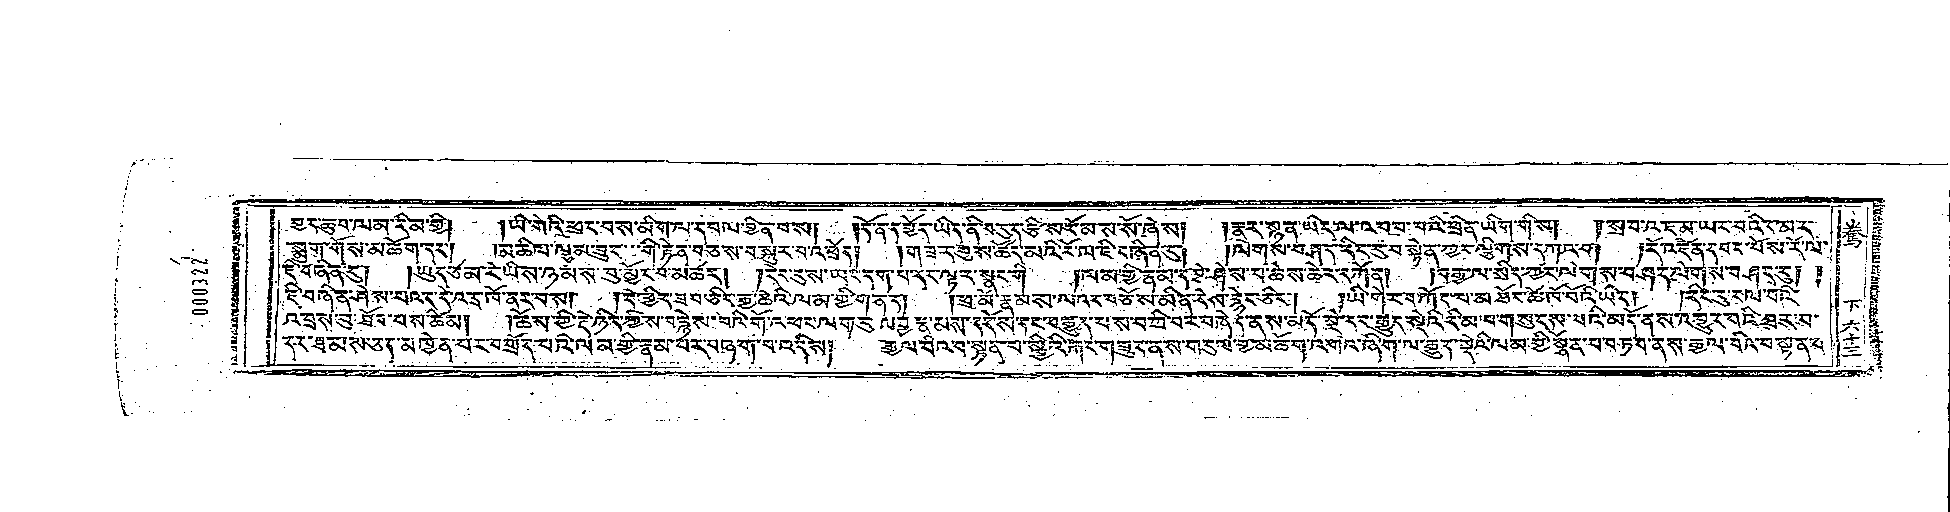བྱང་ཆུབ་ལམ་རིམ་གྱི། །ཡི་གེའི་ཕྲང་བས་མིག་ལ་དཔལ་བྱིན་བས། །དོན་དཔྱོད་ཡིད་ནི་བདུད་རྩིས་ངོམས་སོ་ཞེས། །རྣར་སྙན་ཡིད་ལ་འབབ་པའི་ཕྲིན་ཡིག་གིས། །སྲབ་འཇམ་ཡང་བའི་དམར་
སྨུག་གོས་མཆོག་དང་། །མཆིལ་ལྷམ་ཟུང་གི་རྟེན་བཅས་བསྐུར་བ་འཕྲོད། །གཟར་བུས་ཚོད་མའི་རོ་ལ་ཇི་བཞིན་དུ། །ལེགས་བཤད་རིང་དུ་བསྟེན་ཀྱང་ལྕིགས་དཀའ་བ། །རོ་འཛིན་དབང་པོས་རོ་ལ་
ཇི་བཞིན་དུ། །ཡུད་ཙམ་རེ་ཡིས་ཉམས་བུ་མྱོང་བ་མཚར། །དེང་དུས་ཡང་དག་པ་དང་ལྟར་སྣང་གི །ལམ་གྱི་རྣམ་དབྱེ་ཤེས་པ་ཆེས་ཆེར་དཀོན། །བརྒྱ་ལ་སྲིད་ཀྱང་ལེགས་བཤད་ལེགས་བཤད་དུ། །
ཇི་བཞིན་ཤེས་པའང་དེ་འདྲ་ཁོ་ནར་བས། །དེ་ཕྱིར་ཟབ་ཅིང་རྒྱ་ཆེའི་ལམ་གྱི་གནད། །ཕྲ་མོ་རྣམས་ལའང་བཅོས་མིན་ངེས་རྙེད་ཅིང་། །ཡིག་གེར་བཀོད་པ་མཐོང་ཚེ་ཧོ་བོའི་ཡིད། །རིང་དུ་ངལ་བའི་
འབྲས་བུ་ཐོབ་བས་ཚིམ། །ཆོས་ཀྱི་རྗེ་ཉིད་ཀྱིས་བརྙེས་བའི་གོ་འཕང་ལ་གདུལ་བྱ་རྣ་མས་དངོས་དང་བརྒྱུད་པས་བཀྲི་བར་བཞེད་ནས་མདོ་སྡེ་དང་རྒྱུད་སྡེའི་རིམ་པ་གསུངས་པའི་མདོ་ནས་འབྱུང་བའི་ཐར་པ་
དང་ཐམས་ཅད་མཁྱེན་པར་བགྲོད་པའི་ལམ་གྱི་རྣམ་པར་བཞག་བ་འདིས། རྒྱལ་བའི་བ་སྟན་པ་སྤྱིའི་རྐང་གཟུང་ནས་གདུལ་བྱ་མཆོག་འགའ་ཞིག་ལ་རྒྱུད་སྡེའི་ལམ་བྱི་སྣོན་པ་བཏབ་ནས་རྒྱལ་བའི་བསྟན་པ་